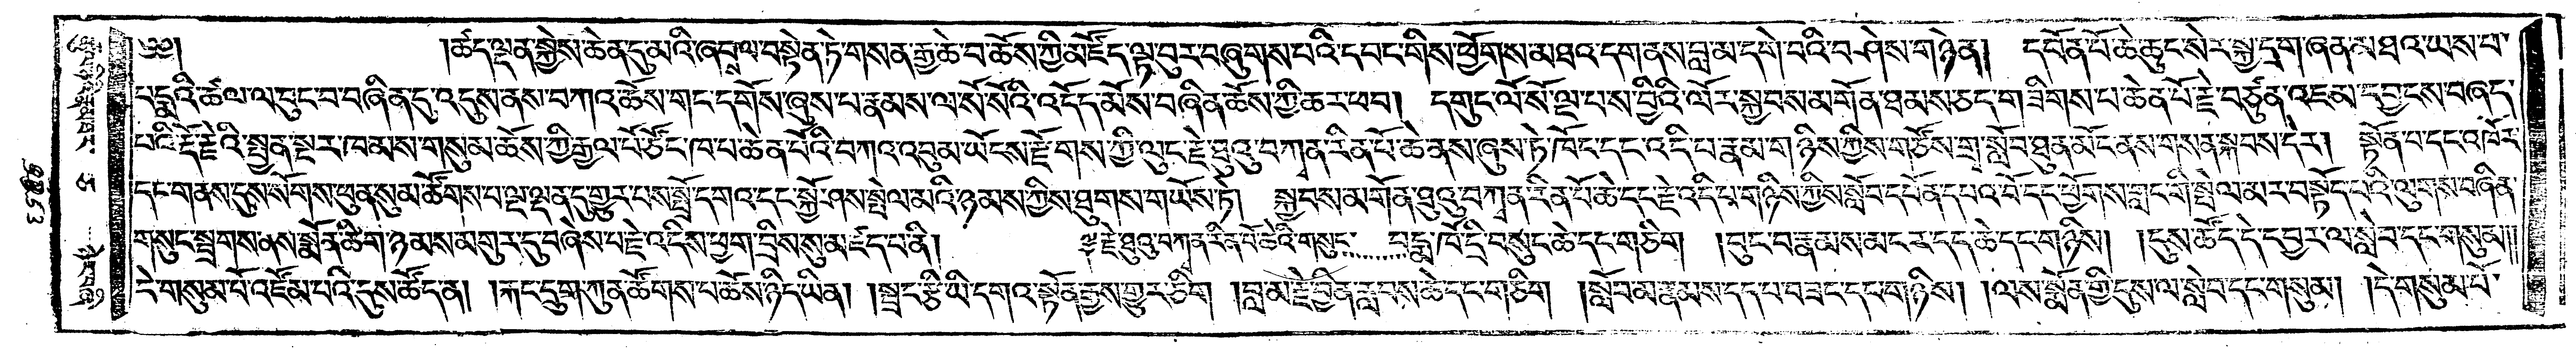༄༅། །ཚད་ལྡན་སྐྱེས་ཆེན་དུ་མའི་ཞབས་ལ་བསྟེན་ཏེ་གསན་རྒྱ་ཆེ་བ་ཆོས་ཀྱི་མཛོད་ལྟ་བུར་བཞུགས་པའི་དབང་གིས་ཕྱོགས་མཐའ་དག་ནས་བླ་མ་དགེ་བའི་བཤས་གཉེན། དཔོན་པོ་ཆེ་ཆུང་སེར་སྐྱ་དྲག་ཞན་མཐའ་ཡས་པ་
པདམའི་ཚལ་ལ་བུང་བ་བཞིན་དུ་འདུས་ནས་བཀའ་ཆོས་གང་དགོས་ཞུས་པ་རྣམས་ལ་སོ་སོའི་འདོད་མོས་བཞིན་ཆོས་ཀྱི་ཆར་ཕབ། དགུང་ལོ་སོ་ལྔ་བས་བྱིའི་ལོར་སྐྱབས་མགོན་ཐམས་ཅད་གཟིགས་པ་ཆེན་པོ་རྗེ་བཙུན་འཇམ་དབྱངས་བཞད་
བའི་རྡོ་རྗེའི་སྤྱན་སྔར་ཁམས་གསུམ་ཆོས་ཀྱི་རྒྱལ་པོ་ཙོང་ཁ་པ་ཆེན་པོའི་བཀའ་འབུམ་ཡོངས་རྫོགས་ཀྱི་ལུང་རྗེ་ཐུའུ་བཀྭན་རིན་པོ་ཆེ་ནས་ཞུས་ཏེ་ཁོང་དང་འདི་བ་རྣམ་གཉིས་ཀྱིས་གཙོས་གྲྭ་སློབ་ཐུན་མོང་ནས་གསན་སྐབས་དེར། སྟོན་བ་དང་འཁོར་
དང་གནས་དུས་སོགས་ཕུན་སུམ་ཚོགས་པ་ལྔ་ལྡན་དུ་གྱུར་པས་སྤྲོ་དགའ་དང་སྐྱོ་ཤས་སྤེལ་མའི་ཉམས་ཀྱིས་ཐུགས་གཡོས་ཏེ། སྐྱབས་མགོན་ཐུའུ་བཀྭན་རིན་པོ་ཆེ་དང་རྗེ་འདི་པ་གཉིས་ཀྱིས་སློབ་དཔོན་དཔའ་བོ་དང་ཕྱོགས་གླང་གི་སྤེལ་མར་བསྟོད་པའི་ལུགས་བཞིན་
གསུང་སྦྲགས་ནས་སྨོན་ཚིག་ཉམས་མགུར་དུ་བཞེས་པ་རྗེ་འདིས་ཕྱག་བྲིས་སུ་མཛད་པ་ནི། ༈རྗེ་ཐུའུ་བཀྭན་རིན་པོ་ཆེའི་གསུང་པདམ་ཁོ་དྲི་བསུང་ཆེ་དང་གཅིག །བུང་བ་རྣམས་མང་ར་དད་ཆེ་དང་གཉིས། །དུས་ཚོད་དེ་དབྱར་ལ་སླེབ་དང་གསུམ།།
དེ་གསུམ་པོ་འཛོམ་པའི་དུས་ཚོད་ན། །རྐང་དྲུག་ཀུན་ཚོགས་པ་ཆོས་ཉིད་ཡིན། །སྦྲང་རྩི་ཡི་དགའ་སྟོན་རྒྱས་གྱུར་ཅིག །བླ་མ་རྗེ་བྱིན་རླབས་ཆེ་དང་གཅིག །སློབ་མ་རྣམས་དད་པ་བཟང་དང་གཉིས། །ལས་སྨོན་གྱི་དུས་ལ་སླེབ་དང་གསུམ། །དེ་གསུམ་པོ་